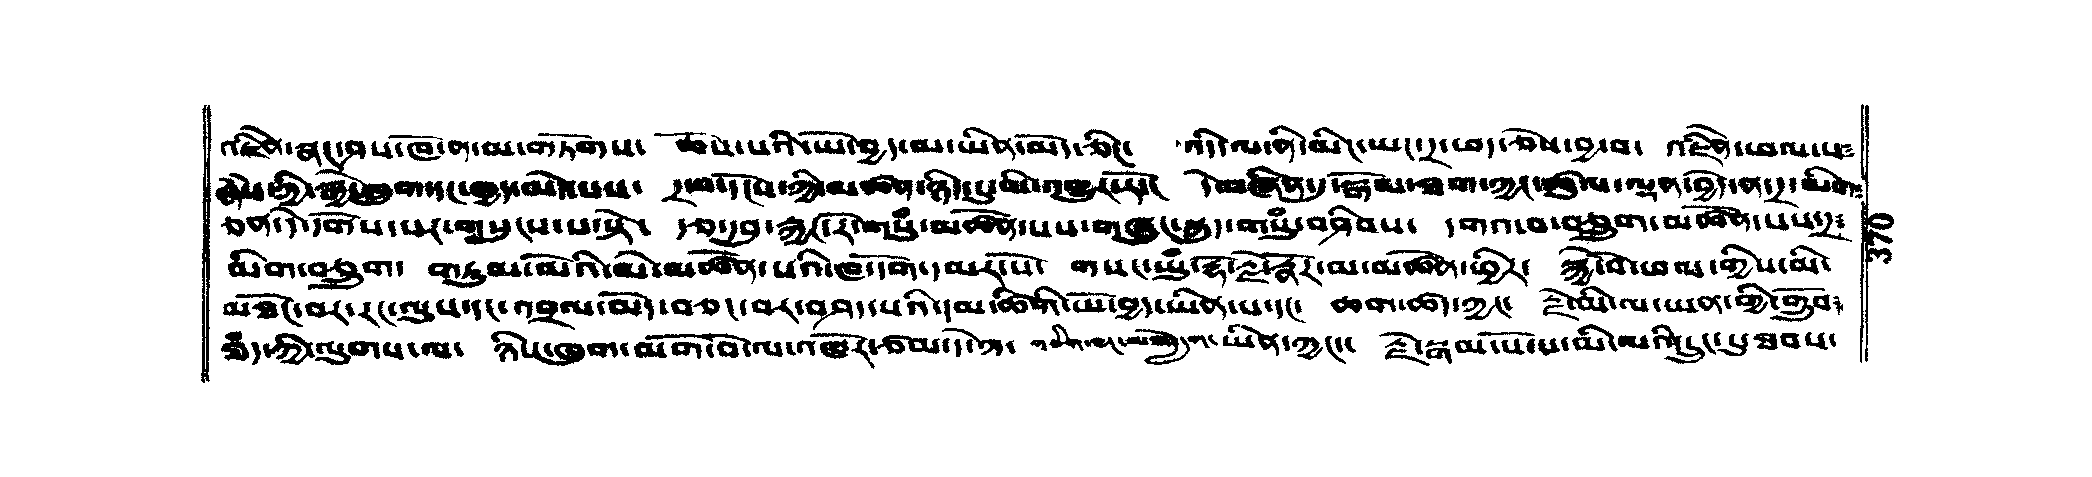འཇིག་རེན་སྣང་ཤས་ཁོ་ན་མ་གཏོགས། ཆོས་པའི་ཡོ་བྱད་མ་ཡིན་མོད་ཅིང་། འདི་ལ་ནི་མིང་ཡང་དྲ་ཕད་ཅེས་བྱ་བ། འཇིག་རྟེན་ཕལ་པ་
རྣམས་ཀྱི་སྒྱེ་ཁུག་དང་ཁྱད་མེད་པས། དྲ་བ་དངོས་ཀྱི་མཚན་ཉིད་དུ་མི་འགྱུར་རོ། དེ་བཟིན་དུ་སྒོམ་ཐག་ཀྱང་ཚུལ་ལྡན་བྱེད་ན་དྲ་མིག་
ཅན་དེ་དགོས་པར་གསུངས་པ་སྟེ། རྩ་དགུ་རྐྱང་རོ་གསུམ་མཚོན་པས་གཞུང་སྐུད་གསུམ་བཤིམས། དགའ་བ་བཅུ་དྲུག་མཚོན་པས་དྲ་
མིག་བཅུ་དྲུག གཏུམ་མོའི་མེ་མཚོན་པའི་ཁ་དོག་དམར་པོ། གསང་ཡུམ་རྡོ་རྗེ་རྣོར་མ་མཚོན་ཕྱིར། སྐྱེ་བོ་ཕལ་གྱིས་མི་
མཐོང་བར་རང་ལུས་དང་འབྲལ་མེད་བཅང་བར་བཤད་པའི་དམ་ཚིག་གི་ཡོ་བྱད་ཡིན་པ་དང་། ཆག་ཚད་ཀྱང་། རྗེ་མི་ལ་ཡིན་གྱི་གྲུབ་ཐོབ་
ཐམས་ཅད་ཀྱི་ལུགས་ལ།ཉིས་ཁུག་མགོ་བོ་ལ་འཁོར་ཙམ་དེ་ཀ་( གཅིག་རྐྱང་མཐོ་དྲུག་ )ཡིན་ཡང་། རྗེ་སྒམ་པོ་པ་མི་མའི་དྲུང་དུ་ཐབས་